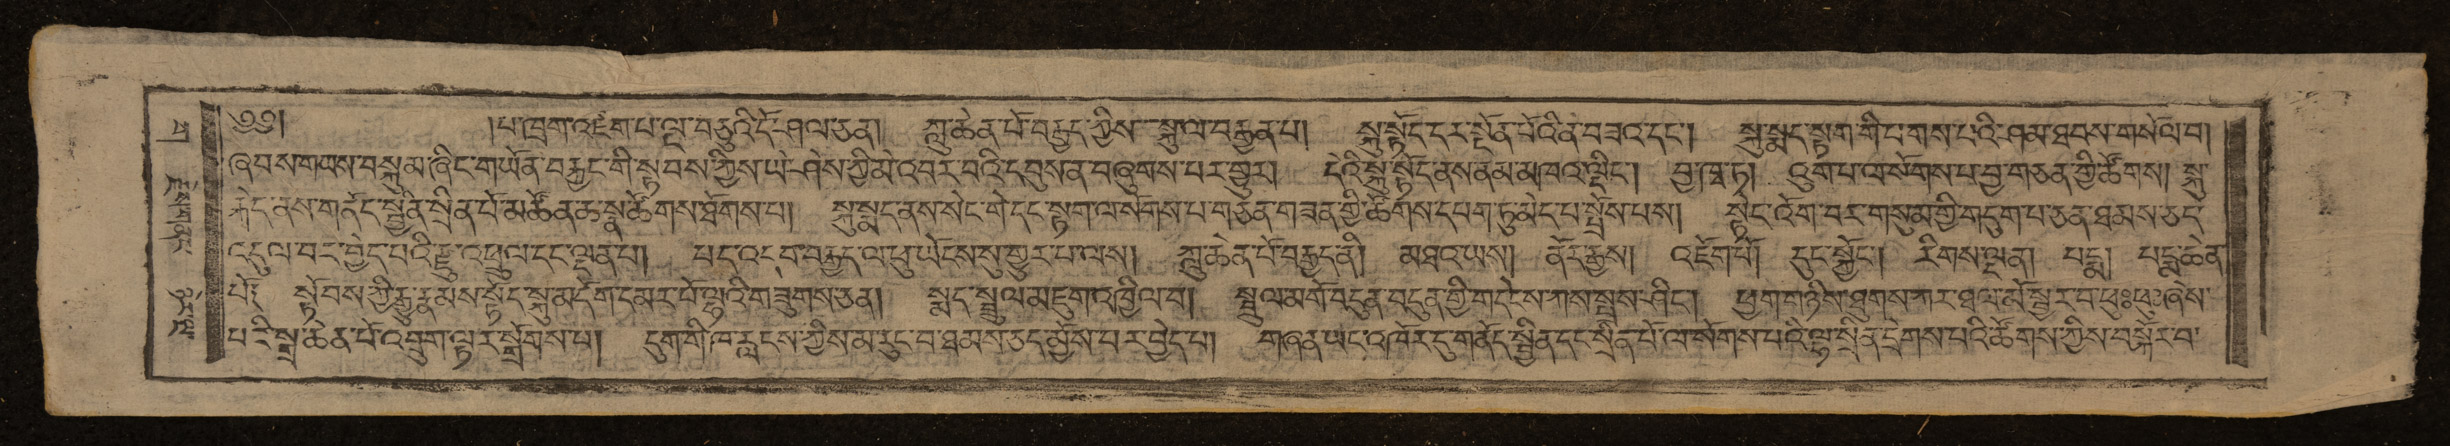༄༅། །པ་ཁྲག་འཛག་པ་ལྔ་བཅུའི་དོ་ཤལ་ཅན། ཀླུ་ཆེན་པོ་བརྒྱད་ཀྱིས་སྐུ་ལ་བརྒྱན་པ། སྐུ་སྟོད་དར་སྔོན་པོའི་ན་བཟའ་དང་། སྐུ་སྨད་སྟག་གི་པགས་པའི་ཤམ་ཐབས་གསོལ་བ།
ཞབས་གཡས་བསྐུམ་ཞིང་གཡོན་བརྐྱང་གི་སྟབས་ཀྱིས་ཡེ་ཤེས་ཀྱི་མེ་འབར་བའི་དབུས་ན་བཞུགས་པར་གྱུར། དེའི་སྐུ་སྟོད་ནས་ནམ་མཁའ་ལྡིང་། བྱ་ཁྭ་ཏ། འུག་པ་ལ་སོགས་པ་བྱ་གཅན་གྱི་ཚོགས། སྐུ་
རྐེད་ནས་གནོད་སྦྱིན་སྲིན་པོ་མཚོན་ཆ་སྣ་ཚོགས་ཐོགས་པ། སྐུ་སྨད་ནས་སེང་གེ་དང་སྟག་ལ་སོགས་པ་གཅན་གཟན་གྱི་ཚོགས་དཔག་ཏུ་མེད་པ་སྤྲོས་པས། སྟེང་འོག་བར་གསུམ་གྱི་གདུག་པ་ཅན་ཐམས་ཅད་
འདུལ་བར་བྱེད་པའི་རྫུ་འཕྲུལ་དང་ལྡན་པ། པད་འདབ་བརྒྱད་ལ་ཕུ་ཡོངས་སུ་གྱུར་པ་ལས། ཀླུ་ཆེན་པོ་བརྒྱད་ནི། མཐའ་ཡས། ནོར་རྒྱས། འཇོག་པོ། དུང་སྐྱོང་། རིགས་ལྡན། པདམ། པདམ་ཆེན་
པོ༑ སྟོབས་ཀྱི་རྒྱུ་རྣམས་སྟོད་སྐུ་མདོག་དམར་པོ་ལྷའི་གཟུགས་ཅན། སྨད་སྤྲུལ་མཇུག་འཁྱིལ་བ། སྤྲུལ་མགོ་བདུན་བདུན་གྱི་གདེངས་ཀས་སྤྲས་ཤིང་། ཕྱག་གཉིས་ཐུགས་ཀར་ཐལ་མོ་སྦྱར་བ་ཕུཿཕུཿཞེས་
པའི་སྒྲ་ཆེན་པོ་འབྲུག་ལྟར་སྒྲོགས་པ། དུག་གི་ཁ་རླངས་ཀྱིས་མ་རུང་པ་ཐམས་ཅད་མྱོས་པར་བྱེད་པ། གཞན་ཡང་འཁོར་དུ་གནོད་སྦྱིན་དང་སྲིན་པོ་ལ་སོགས་པའི་ལྷ་སྲིན་དྲེགས་པའི་ཚོགས་ཀྱིས་བསྐོར་བ་